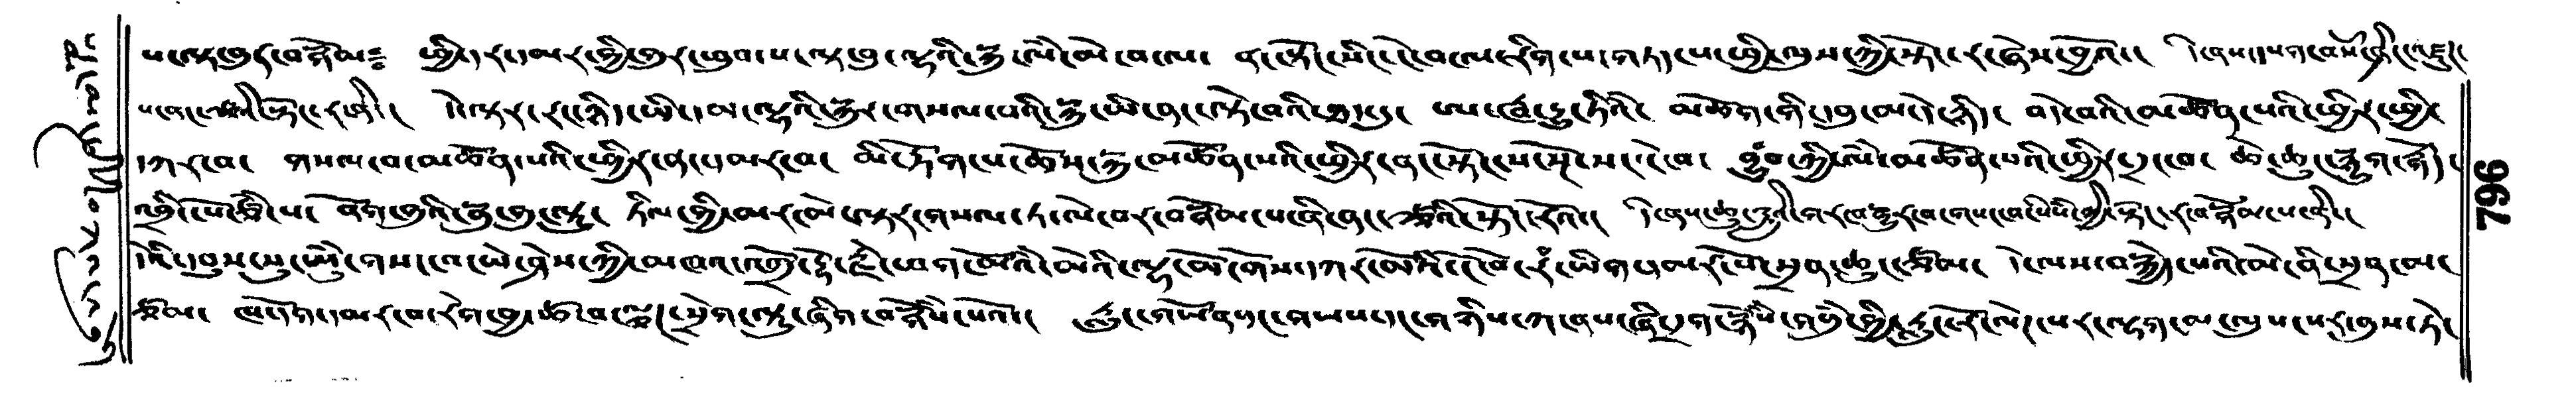པ་ལྟ་བུར་བསྒོམ། ཕྱི་དར་དམར་གྱི་གུར་ཕུབ་པ་ལྟ་བུ་ལྷའི་སྐུ་ལམ་མེ་བ་ལ། ནང་སྟོང་སེང་ངེ་བ་ལ་རིག་པ་གཏད་པ་ཕྱི་ལུས་ཀྱི་སྟོང་ར་ཞེས་བྱའོ། དེ་ནས་དཔག་བསམ་ཤིང་འཛུགས་
པ་ནང་རྩའི་སྟོང་ར་ནི། དེ་ལྟར་རང་ཉིད་ཡི་དམ་ལྷའི་སྐུར་གསལ་བའི་སྐུ་ཡི་ནང་ལྟེ་བའི་ཐད་དུ། ཨ་ཝ་དྷུ་ཏིའམ། མཆོག་གི་དབུ་མ་དེ་ཉིད། བདེ་བ་མཚོན་པའི་ཕྱིར་ཕྱི་
དཀར་བ། གསལ་བ་མཚོན་པའི་ཕྱིར་ནང་དམར་བ། མི་རྟོག་པ་ཆོས་སྐུ་མཚོན་པའི་ཕྱིར་ནང་སྟོང་པ་སྔོ་སང་ངེ་བ། བྱང་ཆུབ་ཀྱི་ལམ་མཚོན་པའི་ཕྱིར་དྲང་བ། ཆེ་ཆུང་སྙུག་རྒོད་
འབྲིང་པོ་ཙམ་པ། ཤོག་གུའི་སྦུ་གུ་ལྟ་བུ། ཏིལ་གྱི་མར་མེ་ལྟར་གསལ་ཏ་ལེ་བར་བསྒོམ་པ་ནི་ནང་རྩའི་སྟོང་རའོ། དེ་ནས་ཆུ་ཟླའི་གར་བསྒྱུར་བ་གསང་བ་སེམས་ཀྱི་སྟོང་ར་བསྒོམ་པ་ནི། 
དེའི་དབུས་སུ་ཡུམ་གསང་བ་ཡེ་ཤེས་ཀྱི་མཁའ་འགྲོ་རྡོ་རྗེ་ཕག་མོ་མེའི་ལྷ་མོ་གོས་དཀར་མོའི་ངོ་བོ་རཾ་ཡིག་དམར་པོ་སྲན་ཆུང་ཙམ། དེ་ལས་བསྐྱེད་པའི་མེ་ནི་སྲན་མ་
ཙམ། ཁ་དོག་དམར་བ། རེག་བྱ་ཚ་བ་ལྕགས་སྲེག་ལྟ་བུ་ཞིག་བསྒོམ་པའོ། རླུང་གཡོན་དང་གཡས་དང་གཉིས་ཀ་ནས་ཞི་དྲག་སྙོམས་གསུམ་གྱི་རླུང་རོ་ལེགས་པར་ལྷག་མ་མ་ལུས་པར་བུས་ཏེ་